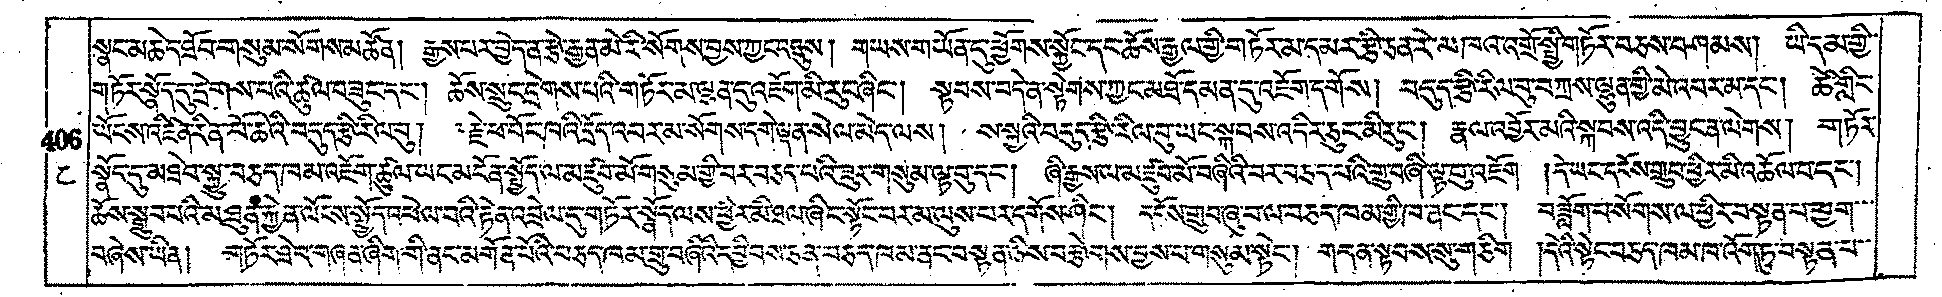སྣང་མཆེད་ཐོབ་གསུམ་སོགས་མཚོན། རྒྱས་པར་བྱེད་ན་རྩེ་རྒྱན་མེ་རི་སོགས་བྱས་ཀྱང་འཐུས། གཡས་གཡོན་དུ་ཕྱོགས་སྐྱོང་དང་ཆོས་རྒྱལ་གྱི་གཏོར་མ་དམར་རྩི་ཅན་རེ་མཁའ་འགྲོ་སྤྱི་གཏོར་བཅས་བཤམས། ཡི་དམ་གྱི་་་
གཏོར་སྣོད་དུ་དྲེགས་པའི་ཚུལ་བཟུང་དང་། ཆོས་སྲུང་དྲེགས་པའི་གཏོར་མ་ལྷན་དུ་འཇོག་མི་རུང་ཞིང་། སྟབས་བདེ་ན་སྟེགས་ཀྱང་མཐོ་དམན་དུ་འཇོག་དགོས། བདུད་རྩི་རིལ་བུ་བཀྲས་ལྷུན་གྱི་མེ་འབར་མ་དང་། ཚེ་གླིང་
ཡོངས་འཛིན་རིན་པོ་ཆེའི་བདུད་རྩི་རིལ་བུ། ༧རྗེ་ཕ་བོང་ཁའི་དྲོད་འབར་མ་སོགས་དགེ་ལྡན་སེལ་མེད་ལས། ས་སྐྱའི་བདུད་རྩི་རིལ་བུ་ཡང་སྐབས་འདིར་ཅུང་མི་རུང་། རྣལ་འབྱོར་མའི་སྐབས་འདི་བྱུང་ན་ལེགས། གཏོར་
སྣོད་དུ་མཐེབ་སྐྱུ་བཅད་ཁམ་འཇོག་ཚུལ་ཡང་མངོན་སྤྱོད་ལ་མཛུབ་མོ་གསུམ་གྱི་བར་བཅད་པའི་ཟུར་གསུམ་ལྟ་བུ་དང་། ཞི་རྒྱས་ལ་མཛུབ་མོ་བཞིའི་བར་བཅད་པའི་གྲུ་བཞི་ལྟ་བུ་འཇོག །དེ་ཡང་དངོས་གྲུབ་ཕྱིར་མི་འཆོལ་བ་དང་།
ཆོས་སྒྲུབ་པའི་མཐུན་རྐྱེན་ལོངས་སྤྱོད་འཕེལ་བའི་རྟེན་འབྲེལ་དུ་གཏོར་སྣོད་ལས་ཕྱིར་མི་ཐལ་ཞིང་སྟོང་པར་མ་ལུས་པར་དགོས་ཤིང་། དངོས་གྲུབ་ཞུ་བ་ལ་བཅད་ཁམ་གྱི་ཁ་ནང་དང་། བཟློག་པ་སོགས་ལ་ཕྱིར་བསྟན་པ་ཕྱག་་་
བཞེས་ཡིན། གཏོར་ཐེབ་གཞན་ཞིག་གི་ནང་མགོན་པོའི་བཅད་ཁམ་གྲུ་བཞིའི་དབྱིབས་ཅན་བཅད་ཁམ་ནང་བསྟན་ཉིས་བརྩེགས་བྱས་པ་གསུམ་སྟེང་། གདན་སྟབས་སུ་གཅིག །དེའི་སྟེང་བཅད་ཁམ་ཁ་འོག་ཏུ་བསྟན་པ་་་